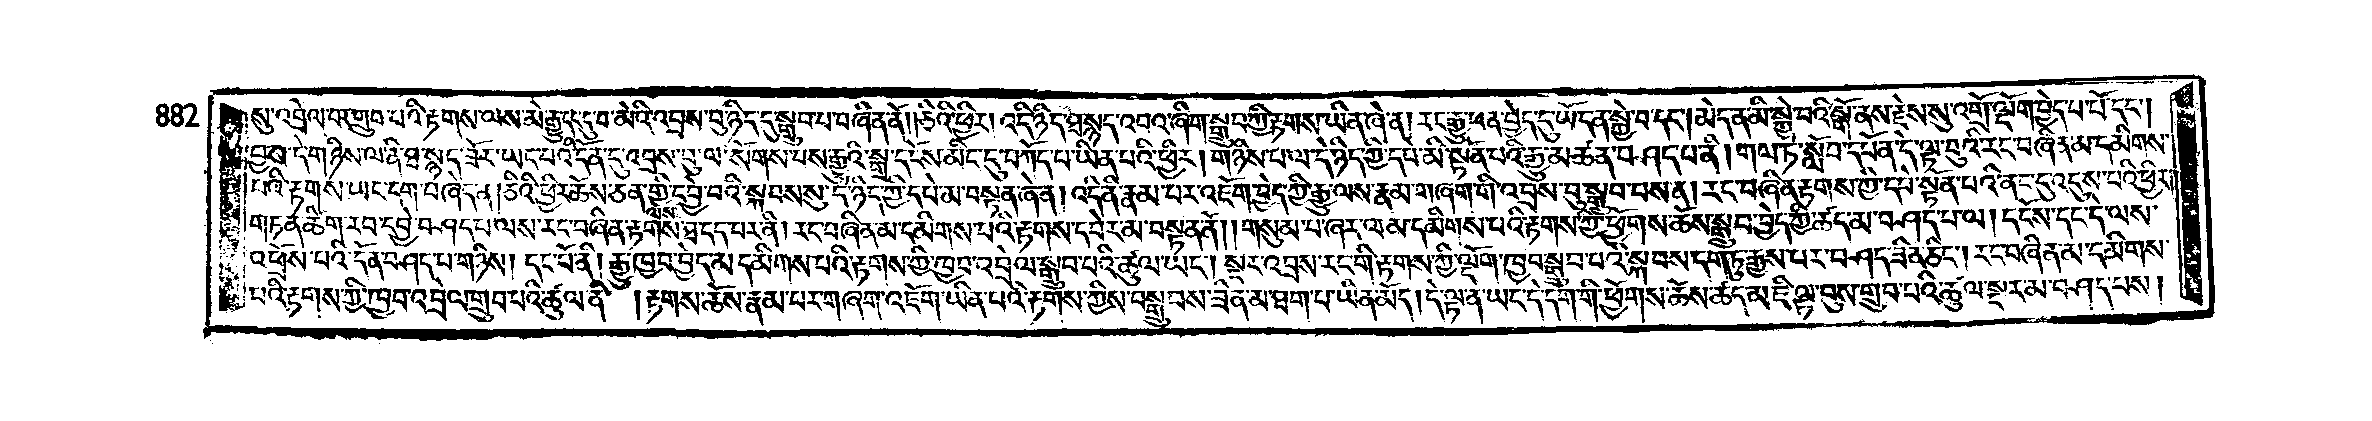སུ་འབྲེལ་བར་གྲུབ་པའི་རྟགས་ལས་མེ་རྒྱུ་དང་དུ་བ་མེའི་འབྲས་བུ་ཉིད་དུ་སྒྲུབ་པ་བཞིན་ནོ། །ཅིའི་ཕྱིར། འདི་ཉིད་ཐ་སྙད་འབའ་ཞིག་སྒྲུབ་ཀྱི་རྟགས་ཡིན་ཞེ་ན། རང་རྒྱུ་ཕན་བྱེད་དུ་ཡོད་ན་སྐྱེ་བ་དང་། མེད་ན་མི་སྐྱེ་བའི་སྒོ་ནས་རྗེས་སུ་འགྲོ་ལྡོག་བྱེད་པ་པོ་དང་།
བྱས་པ་དེ་གཉིས་ལ་ནི་ཐ་སྙད་ཟོར་ཡང་པའི་དོན་དུ་འབྲས་བུ་ལ་སོགས་པས་རྒྱུའི་སྒྲ་དངོས་མིང་དུ་བཀོད་པ་ཡིན་པའི་ཕྱིར། གཉིས་པ་ལ་དེ་ཉིད་ཀྱི་དཔེ་མི་སྟོན་པའི་རྒྱུ་མཚན་བཤད་པ་ནི། གལ་ཏེ་སློབ་དཔོན་དེ་ལྟ་བུའི་རང་བཞིན་མ་དམིགས་
པའི་རྟགས་ཡང་དག་བཞེད་ན། ཅིའི་ཕྱིར་ཆོས་ཅན་གྱི་དབྱེ་བའི་སྐབས་སུ་དེ་ཉིད་ཀྱི་དཔེ་མ་བསྟན་ཞེ་ན། འདི་ནི་རྣམ་པར་འཇོག་བྱེད་ཀྱི་རྒྱུ་ལས་རྣམ་གཞག་གི་འབྲས་བུ་སྒྲུབ་པས་ན། རང་བཞིན་རྟགས་ཀྱི་དཔེ་སྟོན་པའི་ནང་དུ་འདུས་པའི་ཕྱིར།
གཏན་ཚིག་རབ་དབྱེ་བཤད་པ་ལས་རང་བཞིན་རྟགས་ཐ་དད་པར་ནི། རང་བཞིན་མ་དམིགས་པའི་རྟགས་དཔེར་མ་བསྟན་ནོ། །གསུམ་པ་ཞར་ལ་མ་དམིགས་པའི་རྟགས་ཀྱི་ཕྱོགས་ཆོས་སྒྲུབ་བྱེད་ཀྱི་ཚད་མ་བཤད་པ་ལ། དངོས་དང་དེ་ལས་
འཕྲོས་པའི་དོན་བཤད་པ་གཉིས། དང་པོ་ནི། རྒྱུ་ཁྱབ་བྱེད་མ་དམིགས་པའི་རྟགས་ཀྱི་ཁྱབ་འབྲེལ་སྒྲུབ་པའི་ཚུལ་ཡང་། སྔར་འབྲས་རང་གི་རྟགས་ཀྱི་ལྡོག་ཁྱབ་སྒྲུབ་པའི་སྐབས་དག་ཏུ་རྒྱས་པར་བཤད་ཟིན་ཅིང་། རང་བཞིན་མ་དམིགས་
པའི་རྟགས་ཀྱི་ཁྱབ་འབྲེལ་གྲུབ་པའི་ཚུལ་ནི། རྟགས་ཆོས་རྣམ་པར་གཞག་འཇོག་ཡིན་པའི་རྟགས་ཀྱིས་བསྒྲུབས་ཟིན་མ་ཐག་པ་ཡིན་མོད། དེ་ལྟ་ན་ཡང་དེ་དག་གི་ཕྱོགས་ཆོས་ཚད་མ་ཇི་ལྟ་བུས་གྲུབ་པའི་ཚུལ་སྔར་མ་བཤད་པས།